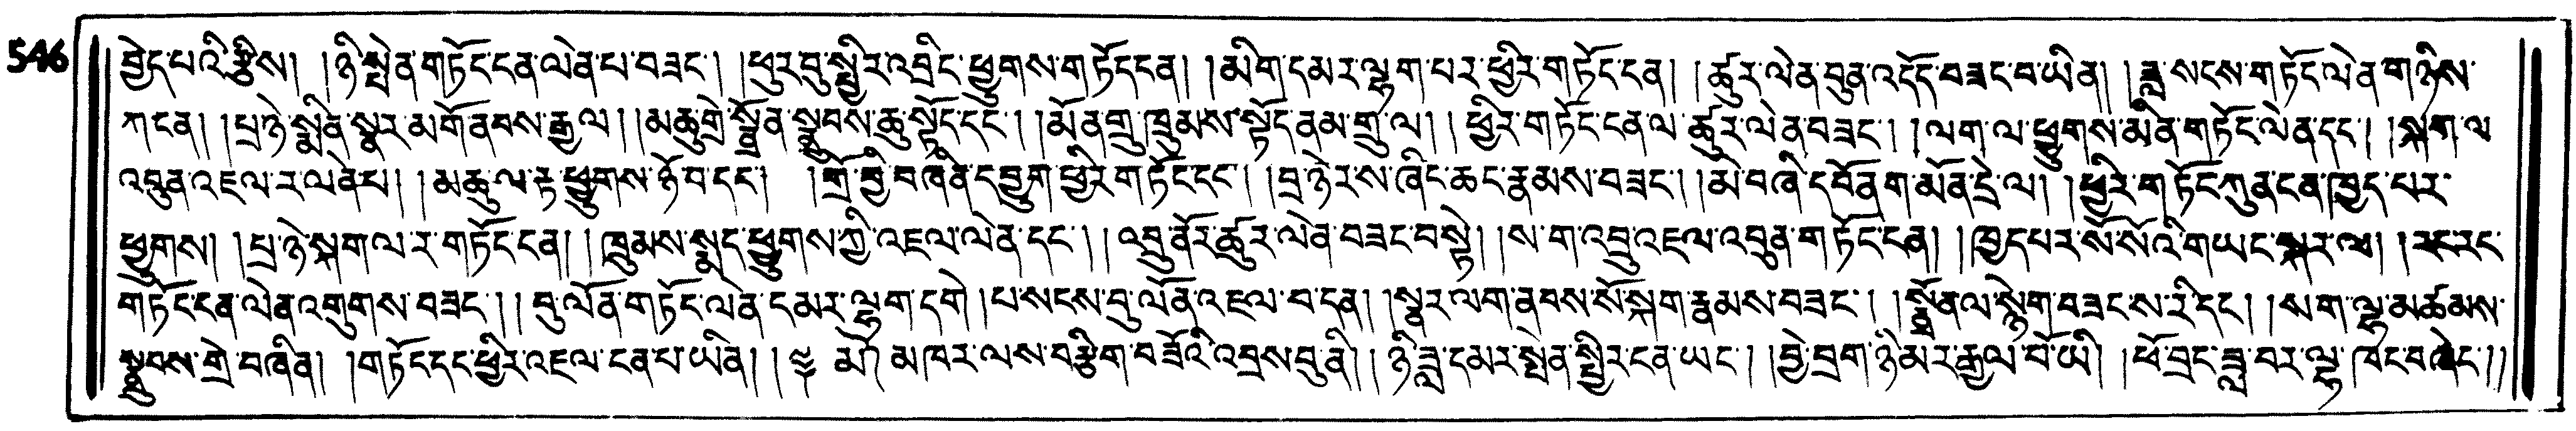བྱེད་པའི་རྩིས། །ཉི་སྤེན་གཏོང་ངན་ལེན་པ་བཟང་། །ཕུར་བུ་སྤྱིར་འབྲིང་ཕྱུགས་གཏོད་ངན། །མིག་དམར་ལྷག་པར་ཕྱིར་གཏོང་ངན། །ཚུར་ལེན་བུན་འདོད་བཟང་བ་ཡིན། །ཟླ་སང་གཏོང་ལེན་གཉིས་
ཀ་ངན། །པྲ་ཉེ་སྨིན་སྣར་མགོ་ནབས་རྒྱལ། །མཆུ་གྲེ་སྣྲོན་སྣྲུབས་ཆུ་སྟོད་དང་། །མོན་གྲུ་ཁྲུམས་སྟོད་ནམ་གྲུ་ལ། །ཕྱིར་གཏོང་ངན་ལ་ཚུར་ལེན་བཟང་། །ལག་ལ་ཕྱུགས་མིན་གཏོང་ལེན་དང་། །སྐག་ལ་
འབུན་འཇལ་ར་ལེན་པ། །མཆུ་ལ་རྟ་ཕྱུགས་ཉོ་བ་དང་། །གྲོ་བྱི་བཞིན་དབྱུག་ཕྱིར་གཏོང་དང་། །བྲ་ཉེར་ས་ཞིང་ཆང་རྣམས་བཟང་། །མེ་བཞི་དབོ་ནག་མོན་དྲེ་ལ། །ཕྱིར་གཏོང་ཀུན་ངན་ཁྱད་པར་
ཕྱུགས། །པྲ་ཉེ་སྐག་ལ་ར་གཏོང་ངན། །ཁྲུམས་སྐད་ཕྱུགས་ཀྱི་འཇལ་ལེན་དང་། །འབྲུ་ནོར་ཚུར་ལེན་བཟང་བསྟེ། །ས་ག་འབྲུ་འཇལ་འབུན་གཏོང་ངན། །ཁྱད་པར་སོ་སོའི་གཡང་སྐར་ལ། །རང་རང་
གཏོང་ངན་ལེན་འགུགས་བཟང་། །བུ་ལོན་གཏོང་ལེན་དམར་ལྷག་དགེ །པ་སངས་བུ་ལོན་འཇལ་བ་དན། །སྣར་ལག་ནབས་སོ་སྐག་རྣམས་བཟང་། །སྣྲོན་ལ་སྙེག་བཟང་ས་རི་དང་། །སག་ལྷ་མཚམས་
སྣྲུབས་གྲེ་བཞིན། །གཏོང་དང་ཕྱིར་འཇལ་ངན་པ་ཡིན། ། འ་མ་མཁར་ལས་བརྩིག་བཟོའི་འབྲས་བུ་ནི། །ཉི་ཟླ་དམར་སྤེན་སྤྱིར་ངན་ཡང་། །བྱེ་བྲག་ཉི་མར་རྒྱལ་པོ་ཡི། །ཕོ་བྲང་ཟླ་བར་ལྷ་ཁང་བཞེང་། །